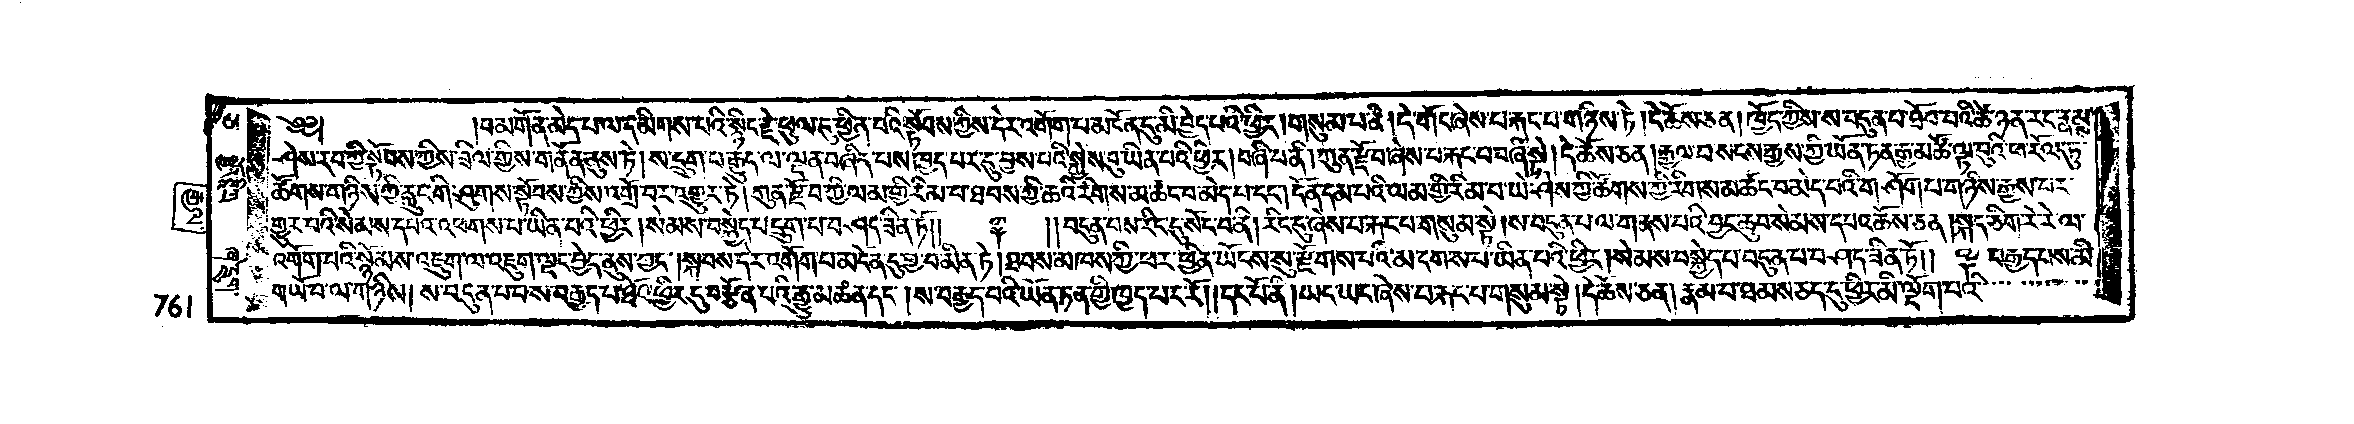༄༅། །བ་མགོན་མེད་པ་ལ་དམིགས་པའི་སྙིང་རྗེ་ཕུལ་དུ་ཕྱིན་པའི་སྟོབས་ཀྱིས་དེར་འགོག་པ་མངོན་དུ་མི་བྱེད་པའི་ཕྱིར། གསུམ་པ་ནི། དེ་གོང་ཞེས་པ་རྐང་པ་གཉིས་ཏེ། དེ་ཆོས་ཅན། ཁྱོད་ཀྱིས་ས་བདུན་པ་ཐོབ་པའི་ཚེ་ཉན་རང་རྣམས་
ཤེས་རབ་ཀྱི་སྟོབས་ཀྱིས་ཟིལ་གྱིས་གནོན་ནུས་ཏེ། ས་དྲུག་པ་རྒྱུད་ལ་ལྡན་བཞིན་པས་ཁྱད་པར་དུ་བྱས་པའི་སྐྱེས་བུ་ཡིན་པའི་ཕྱིར། བཞི་པ་ནི། ཀུན་རྫོབ་ཞེས་པ་རྐང་པ་བཞི་སྟེ། དེ་ཆོས་ཅན། རྒྱལ་བ་སངས་རྒྱས་ཀྱི་ཡོན་ཏན་རྒྱ་མཚོ་ལྟ་བུའི་ཕ་རོལ་ཏུ་
ཚོགས་གཉིས་ཀྱི་རླུང་གི་ཤུགས་སྟོབས་ཀྱིས་འགྲོ་བར་འགྱུར་ཏེ། ཀུན་རྫོབ་ཀྱི་ལམ་གྱི་རིམ་པ་ཐབས་ཀྱི་ཆའི་རིགས་མ་ཚང་བ་མེད་པ་དང་། དོན་དམ་པའི་ལམ་གྱི་རིམ་པ་ཡེ་ཤེས་ཀྱི་ཚོགས་ཀྱི་རིགས་མ་ཚང་བ་མེད་པའི་གཤོག་པ་གཉིས་རྒྱས་པར་
གྱུར་པའི་སེམས་དཔའ་འཕགས་པ་ཡིན་པའི་ཕྱིར། སེམས་བསྐྱེད་པ་དྲུག་པ་བཤད་ཟིན་ཏོ།། ༈ །།བདུན་པས་རིང་དུ་སོང་བ་ནི། རིང་དུ་ཞེས་པ་རྐང་པ་གསུམ་སྟེ། ས་བདུན་པ་ལ་གནས་པའི་བྱང་ཆུབ་སེམས་དཔའ་ཆོས་ཅན། སྐད་ཅིག་རེ་རེ་ལ་
འགོག་པའི་སྙོམས་འཇུག་ལ་འཇུག་ལྡང་བྱེད་ནུས་ཀྱང་།སྐབས་དེར་འགོག་བ་མངོན་དུ་བྱ་བ་མིན་ཏེ། ཐབས་མཁས་ཀྱི་ཕར་ཕྱིན་ཡོངས་སུ་རྫོགས་པའི་མ་དག་ས་པ་ཡིན་པའི་ཕྱིར། སེམས་བསྐྱེད་པ་བདུན་པ་བཤད་ཟིན་ཏོ།། ༈ བརྒྱད་པས་མི་
གཡོ་བ་ལ་གཉིས། ས་བདུན་པ་བས་བརྒྱད་པ་ཐོབ་ཕྱིར་དུ་བརྩོན་པའི་རྒྱུ་མཚན་དང་། ས་བརྒྱད་པའི་ཡོན་ཏན་གྱི་ཁྱད་པར་རོ། །དང་པོ་ནི། ཡང་ཡང་ཞེས་པ་རྐང་པ་གསུམ་སྟེ། དེ་ཆོས་ཅན། རྣམ་པ་ཐམས་ཅད་དུ་ཕྱིར་མི་ལྡོག་པའི་